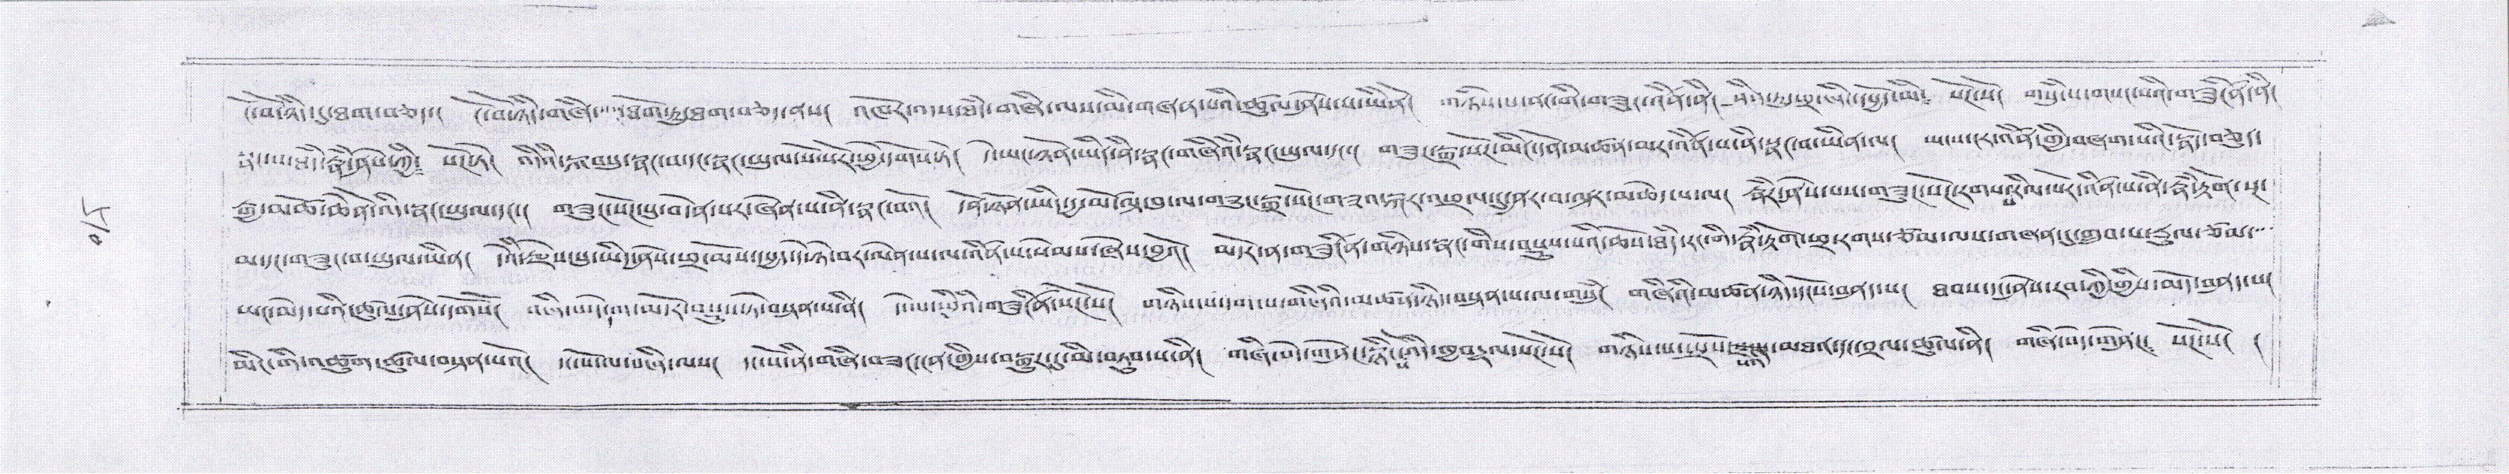ངོ་བོ་ཉིད་དུ་ཐག་བཅད། ངོ་བོ་ཉིད་གཞི་ཐོག་ཏུ་ཐག་བཅད་ནས། གཞི་ལས་མི་གཞན་པའི་ཚུལ་ཤེས་པ་ཡིན་ནོ། །གཉིས་པ་ནང་གི་གཟུང་འཛིན་ནི། ཤིན་ཏུ་ཕྲ་ཞིང་དཔྱོད་མི་སོགས་སོ། །གསུམ་པ་གསང་བའི་གཟུང་འཛིན་ནི། 
སྣང་བ་ཐམས་ཅད་རྣམ་ཤེས་ཀྱི། །སོགས་ཏེ། འདིའི་སྐབས་སུ་སྣང་བ་དང་སྣང་ཡུལ་སོ་སོར་ཕྱེ་དགོས་ཏེ། དེ་ཡང་ཉོན་ཡིད་ནི་སྣང་གཞིའི་སྣང་ཡུལ་དང་། གཟུགས་སྒྲ་སོགས་མིང་དོན་མཚན་མར་འཛིན་པ་ནི་སྣང་བ་ཡིན་ལ། ཡང་ངར་འཛིན་གྱིས་བཞག་པའི་སྣོད་བཅུད་
རྒྱ་མཚོ་ཆེན་པོ་འདི་སྣང་ཡུལ་དང་། གཟུགས་སོགས་སུ་བདེན་པར་ཞེན་པ་ནི་སྣང་བའོ།། དོན་ཉོན་ཡིད་རྒྱ་མཚོ་ལྟ་བུ་ལ་གཟུགས་སྒྲ་སོགས་གཟའ་སྐར་འཕྲལ་དུ་ཤར་བ་ལྟར་མཆེད་པ་ལ། རྣམ་པར་ཤེས་པས་གཟུགས་སོགས་རགས་པ་རིལ་པོར་འཛིན་པ་ནི་རྣམ་རྟོག་སྔ་
མ་དང་གཟུང་བ་ཡུལ་ཡིན། དེའི་རྗེས་སུ་ཡིད་ཤེས་ཕྲ་མོས་དཔྱད་དེ་ཉེ་བར་ལེན་པ་ལ་འཛིན་པ་སེམས་ཞེས་བྱའོ། །མདོར་ན་གཟུང་འཛིན་གཉིས་སྣང་གིས་བསྡུས་པའི་ཆོས་ཐམས་ཅད་རང་གི་རྣམ་རྟོག་ཕྲ་རགས་ཙམ་ལས་གཞན་དུ་གྲུབ་པ་རྡུལ་ཙམ་
ཡང་མེད་པའི་ཚུལ་ཤེས་དགོས་སོ། །བཞི་པ་དེ་དག་མདོར་བསྡུས་ཏེ་བསྟན་པ་ནི། དེ་ལ་ཕྱི་ཡི་གཟུང་འཛིན་སོགས་སོ། གཉིས་པ་དག་པ་གཞི་ཡི་མཚན་ཉིད་བསྟན་པ་ལ་གསུམ། གཞིའི་མཚན་ཉིད་དངོས་བཤད་པ། ཐབས་དང་ཤེས་རབ་ཀྱི་མདོ་བཤད་པ། 
མིང་གི་འཇུག་ཚུལ་བསྟན་པའོ། དང་པོ་ལ་བཞི་ལས། དང་པོ་ནི་གཞི་བཟང་ངན་གྱིས་བསྒྱུར་དུ་མི་བཏུབ་པ་ནི། གཞི་བདེར་གཤེགས་སྙིང་པོ་འདི་ཁྱབ་བརྡལ་སོགས་སོ། གཉིས་པ་སྤྲོས་པའི་མཐའ་དང་བྲལ་ཚུལ་ནི། གཞི་བདེར་གཤེགས་སོགས་སོ། །